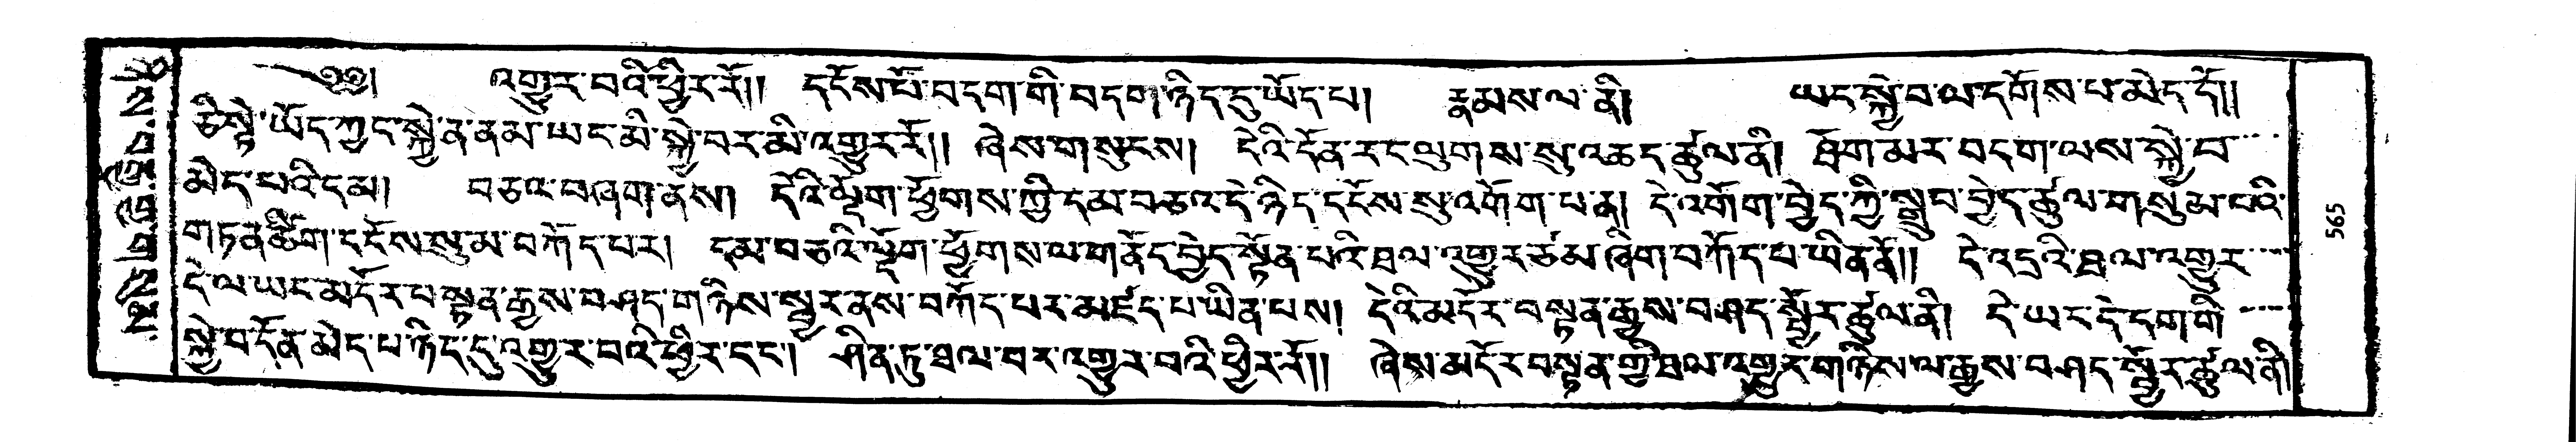༄༅། །འགྱུར་བའི་ཕྱིར་རོ། །དངོས་པོ་བདག་གི་བདག་ཉིད་དུ་ཡོད་པ། རྣམས་ལ་ནི། ཡང་སྐྱེ་བ་ལ་དགོས་པ་མེད་དོ། །
ཅི་སྟེ་ཡོད་ཀྱང་སྐྱེ་ན་ནམ་ཡང་མི་སྐྱེ་བར་མི་འགྱུར་རོ། །ཞེས་གསུངས། དེའི་དོན་རང་ལུགས་སུ་འཆད་ཚུལ་ནི། ཐོག་མར་བདག་ལས་སྐྱེ་བ་
མེད་པའི་དམ་བཅའ་བཞག་ནས། དེའི་ལྡོག་ཕྱོགས་ཀྱི་དམ་བཅའ་དེ་ཉིད་དངོས་སུ་འགོག་པ་ན། དེ་འགོག་བྱེད་ཀྱི་སྒྲུབ་བྱེད་ཚུལ་གསུམ་པའི་
གཏན་ཚིག་དངོས་སུ་མ་བཀོད་པར། དམ་བཅའི་ལྡོག་ཕྱོགས་ལ་གནོད་བྱེད་སྟོན་པའི་ཐལ་འགྱུར་ཙམ་ཞིག་བཀོད་པ་ཡིན་ནོ། །དེ་འདྲའི་ཐལ་འགྱུར་
དེ་ལ་ཡང་མདོར་བསྟན་རྒྱས་བཤད་གཉིས་སྦྱར་ནས་བཀོད་པར་མཛད་པ་ཡིན་པས། དེའི་མདོར་བསྟན་རྒྱས་བཤད་སྦྱོར་ཚུལ་ནི། དེ་ཡང་དེ་དག་གི་
སྐྱེ་བ་དོན་མེད་པ་ཉིད་དུ་འགྱུར་བའི་ཕྱིར་དང་། ཤིན་ཏུ་ཐལ་བར་འགྱུར་བའི་ཕྱིར་རོ། །ཞེས་མདོར་བསྟན་གྱི་ཐལ་འགྱུར་གཉིས་ལ་རྒྱས་བཤད་སྦྱོར་ཚུལ་ནི།